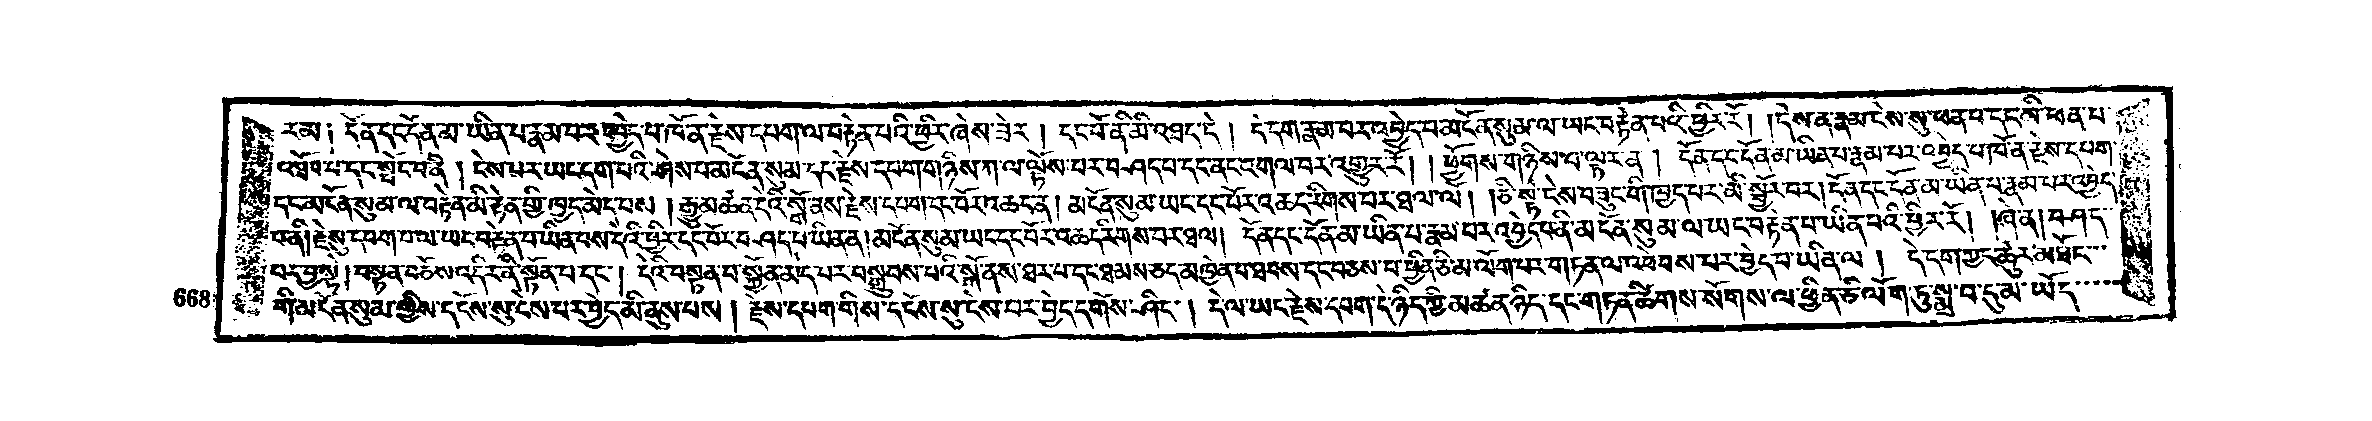རམ། དོན་དང་དོན་མ་ཡིན་པ་རྣམ་པར་འབྱེད་པ་ཁོ་ན་རྗེས་དཔག་ལ་བརྟེན་པའི་ཕྱིར་ཞེས་ཟེར། དང་པོ་ནི་མི་འཐད་དེ། དེ་དག་རྣམ་པར་འབྱེད་པ་མངོན་སུམ་ལ་ཡང་བརྟེན་པའི་ཕྱིར་རོ། །དེས་ན་རྣམ་ངེས་སུ་ཕན་པ་དང་མི་ཕན་པ་
འཐོབ་པ་དང་སྤོང་བ་ནི། ངེས་པར་ཡང་དག་པའི་ཤེས་པ་མངོན་སུམ་དང་རྗེས་དཔག་གཉིས་ཀ་ལ་ལྟོས་པར་བཤད་པ་དང་ནང་འགལ་བར་འགྱུར་རོ། །ཕྱོགས་གཉིས་པ་ལྟར་ན། དོན་དང་དོན་མ་ཡིན་པ་རྣམ་པར་འབྱེད་པ་ཁོ་ན་རྗེས་དཔག་
དང་མངོན་སུམ་ལ་བརྟེན་མི་རྟེན་གྱི་ཁྱད་མེད་པས། རྒྱུ་མཚན་དེའི་སྒོ་ནས་རྗེས་དཔག་དང་པོར་འཆད་ན། མངོན་སུམ་ཡང་དང་པོར་འཆད་རིགས་པར་ཐལ་ལོ། །ཅི་སྟེ་ངེས་བཟུང་གི་ཁྱད་པར་མི་སྦྱོར་བར། དོན་དང་དོན་མ་ཡིན་པ་རྣམ་པར་འབྱེད་
པ་ནི། རྗེས་སུ་དཔག་པ་ལ་ཡང་བརྟེན་པ་ཡིན་པས་དེའི་ཕྱིར་དང་པོར་བཤད་པ་ཡིན་ན། མངོན་སུམ་ཡང་དང་པོར་འཆད་རིགས་པར་ཐལ། དོན་དང་དོན་མ་ཡིན་པ་རྣམ་པར་འབྱེད་པ་ནི་མངོན་སུམ་ལ་ཡང་བརྟེན་པ་ཡིན་པའི་ཕྱིར་རོ། །ཞེ་ན། བཤད་
པར་བྱ་སྟེ། བསྟན་བཅོས་འདིར་ནི་སྟོན་པ་དང་། དེའི་བསྟན་པ་སྐྱོན་མེད་པར་བསྒྲུབས་པའི་སྒོ་ནས་ཐར་པ་དང་ཐམས་ཅད་མཁྱེན་པ་ཐབས་དང་བཅས་པ་ཕྱིན་ཅི་མ་ལོག་པར་གཏན་ལ་འཕེབས་པར་བྱེད་པ་ཡིན་ལ། དེ་དག་ཀྱང་ཚུར་མཐོང་
གི་མངོན་སུམ་གྱིས་དངོས་སུ་ངེས་པར་བྱེད་མི་ནུས་པས། རྗེས་དཔག་གིས་དངོས་སུ་ངེས་པར་བྱེད་དགོས་ཤིང་། དེ་ལ་ཡང་རྗེས་དཔག་དེ་ཉིད་ཀྱི་མཚན་ཉིད་དང་གཏན་ཚིགས་སོགས་ལ་ཕྱིན་ཅི་ལོག་ཏུ་སྨྲ་བ་དུ་མ་ཡོད་